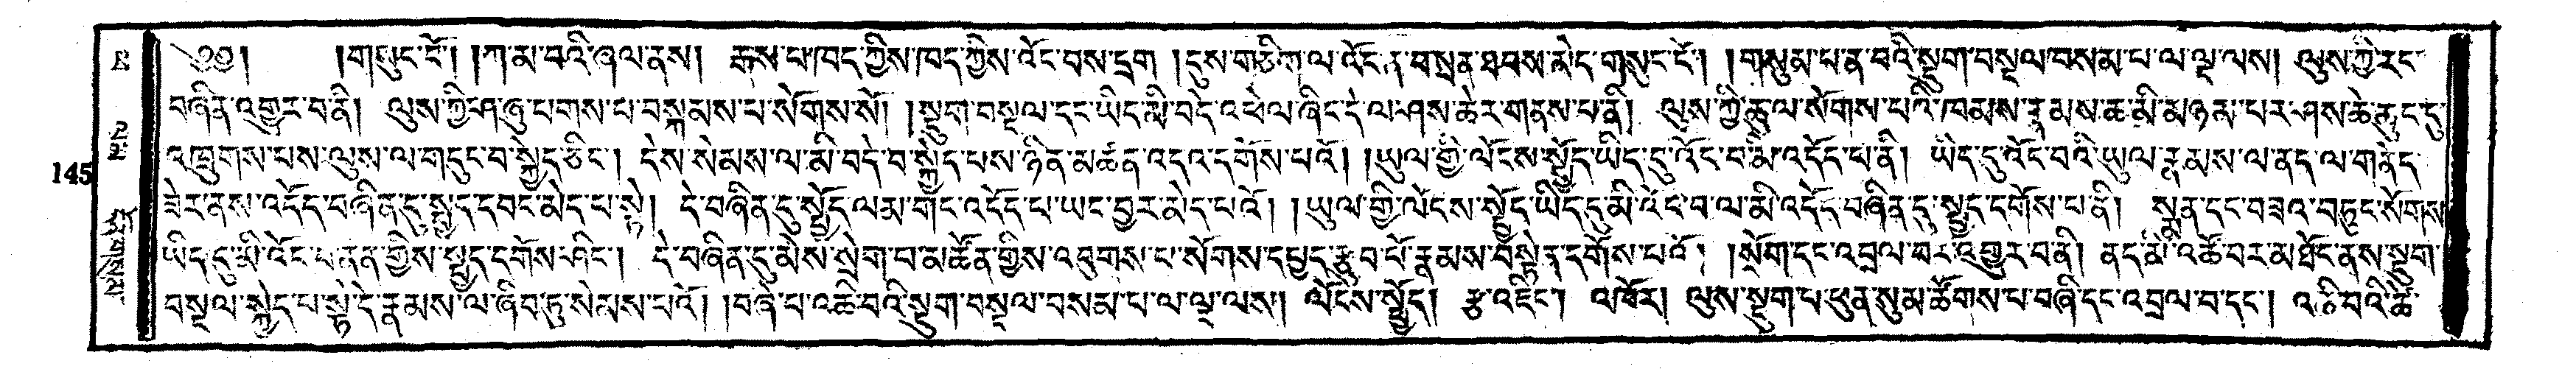༄༅། །གསུང་ངོ། །ཀ་མ་བའི་ཞལ་ནས། རྒས་པ་ཁད་ཀྱིས་ཁད་ཀྱིས་འོང་བས་དྲག །དུས་གཅིག་ལ་འོང་ན་བསྲན་ཐབས་མེད་གསུང་ངོ། །གསུམ་པ་ན་བའི་སྡུག་བསྔལ་བསམ་པ་ལ་ལྔ་ལས། ལུས་ཀྱི་རང་
བཞིན་འགྱུར་བ་ནི། ལུས་ཀྱི་ཤ་ཞུ་པགས་པ་བསྐམས་པ་སོགས་སོ། །སྡུག་བསྔལ་དང་ཡིད་མི་བདེ་འཕེལ་ཞིང་དེ་ལ་ཤས་ཆེར་གནས་པ་ནི། ལུས་ཀྱི་ཆུ་ལ་སོགས་པའི་ཁམས་རྣམས་ཆ་མི་མཉམ་པར་ཤས་ཆེ་ཆུང་དུ་
འཁྲུགས་པས་ལུས་ལ་གདུང་བ་སྐྱེད་ཅིང་། དེས་སེམས་ལ་མི་བདེ་བ་སྐྱེད་པས་ཉིན་མཚན་འདའ་དགོས་པའོ། །ཡུལ་གྱི་ལོངས་སྤྱོད་ཡིད་དུ་འོང་བ་མི་འདོད་པ་ནི། ཡིད་དུ་འོང་བའི་ཡུལ་རྣམས་ལ་ནད་ལ་གནེད་
ཟེར་ནས་འདོད་བཞིན་དུ་སྤྱད་དབང་མེད་པ་སྟེ། དེ་བཞིན་དུ་སྤྱོད་ལམ་གང་འདོད་པ་ཡང་བྱར་མེད་པའོ། །ཡུལ་གྱི་ལོངས་སྤྱོད་ཡིད་དུ་མི་འོང་བ་ལ་མི་འདོད་བཞིན་དུ་སྤྱད་དགོས་པ་ནི། སྨན་དང་བཟའ་བཏུང་སོགས་
ཡིད་དུ་མི་འོང་པ་ནན་གྱིས་སྤྱད་དགོས་ཤིང་། དེ་བཞིན་དུ་མེས་སྲེག་པ་མཚོན་གྱིས་འབུགས་པ་སོགས་དཔྱད་རྩུབ་པོ་རྣམས་བསྟེན་དགོས་པའོ། །སྡོག་དང་འབྲལ་བར་འགྱུར་བ་ནི། ནད་མི་འཚོ་བར་མཐོང་ནས་སྡུག་
བསྔལ་སྐྱེད་པ་སྟེ་དེ་རྣམས་ལ་ཞིབ་ཏུ་སེམས་པའོ། །བཞི་པ་འཆི་བའི་སྡུག་བསྔལ་བསམ་པ་ལ་ལྔ་ལས། ལོངས་སྤྱོད། རྩ་འཇིང་། འཁོར། ལུས་སྡུག་པ་ཕུན་སུམ་ཚོགས་པ་བཞི་དང་འབྲལ་བ་དང་། འཆི་བའི་ཚེ་